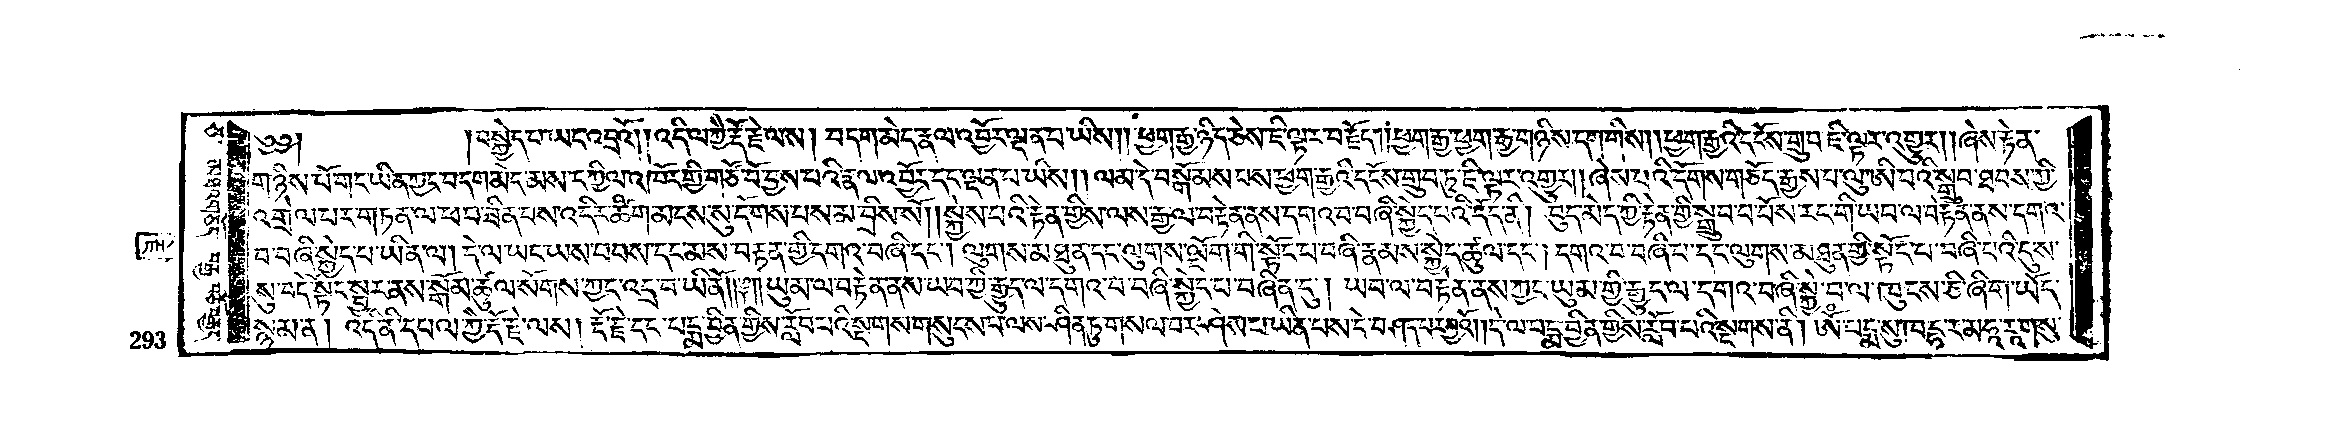༄༅། །བསྐྱེད་པ་ཡང་འདྲའོ། །འདི་ལ་ཀྱཻ་རྡོ་རྗེ་ལས། བདག་མེད་རྣལ་འབྱོར་ལྡན་པ་ཡིས། །ཕྱག་རྒྱ་ཉིད་ཅེས་ཇི་ལྟར་བརྗོད། །ཕྱག་རྒྱ་ཕྱག་རྒྱ་གཉིས་དག་གིས། །ཕྱག་རྒྱའི་དངོས་གྲུབ་ཇི་ལྟར་འགྱུར། །ཞེས་རྟེན་
གཉིས་པོ་གང་ཡིན་ཀྱང་བདག་མེད་མས་དཀྱིལ་འཁོར་གྱི་གཙོ་བོ་བྱས་པའི་རྣལ་འབྱོར་དང་ལྡན་པ་ཡིས། །ལམ་དེ་བསྒོམས་པས་ཕྱག་རྒྱའི་དངོས་གྲུབ་ཏུ་ཇི་ལྟར་འགྱུར། །ཞེས་པའི་དོགས་གཅོད་རྒྱས་པ་ལུ་ཨི་པའི་སྒྲུབ་ཐབས་ཀྱི་
འགྲེལ་པར་གཏན་ལ་ཕབ་ཟིན་པས་འདིར་ཚིག་མངས་སུ་དོགས་པས་མ་བྲིས་སོ། །སྐྱེས་པའི་རྟེན་གྱིས་ལས་རྒྱ་ལ་བརྟེན་ནས་དགའ་བ་བཞི་སྐྱེད་པའི་དོད་ནི། བུད་མེད་ཀྱི་རྟེན་གྱི་སྒྲུབ་པ་པོས་རང་གི་ཡབ་ལ་བརྟེན་ནས་དགའ་
བ་བཞི་སྐྱེད་པ་ཡིན་ལ། དེ་ལ་ཡང་ཡས་བབས་དང་མས་བརྟན་གྱི་དགའ་བཞི་དང་། ལུགས་མཐུན་དང་ལུགས་ལྡོག་གི་སྟོང་པ་བཞི་རྣམས་སྐྱེད་ཚུལ་དང་། དགའ་བ་བཞི་པ་དང་ལུགས་མཐུན་གྱི་སྟོང་པ་བཞི་པའི་དུས་
སུ་བདེ་སྟོང་སྦྱར་ནས་སྒོམ་ཚུལ་སོགས་ཀྱང་འདྲ་བ་ཡིན་ནོ།། ༈ །།ཡུམ་ལ་བརྟེན་ནས་ཡབ་ཀྱི་རྒྱུད་ལ་དགའ་བ་བཞི་སྐྱེད་པ་བཞིན་དུ། ཡབ་ལ་བརྟེན་ནས་ཀྱང་ཡུམ་གྱི་རྒྱུད་ལ་དགའ་བཞི་སྐྱེ་བ་ལ་ཁུངས་ཅི་ཞིག་ཡོད་
སྙམ་ན། འདི་ནི་དཔལ་ཀྱཻ་རྡོ་རྗེ་ལས། རྡོ་རྗེ་དང་པདམ་བྱིན་གྱིས་རློབ་པའི་སྔགས་གསུངས་པ་ལས་ཤིན་ཏུ་གསལ་བར་ཤེས་པ་ཡིན་པས་དེ་བཤད་པར་བྱའོ། །དེ་ལ་པདམ་བྱིན་གྱིས་རློབ་པའི་སྔགས་ནི། ཨོཾ་པདམ་སུ་ཁ་དྷ་ར་མཧཱ་རཱ་ག་སུ་